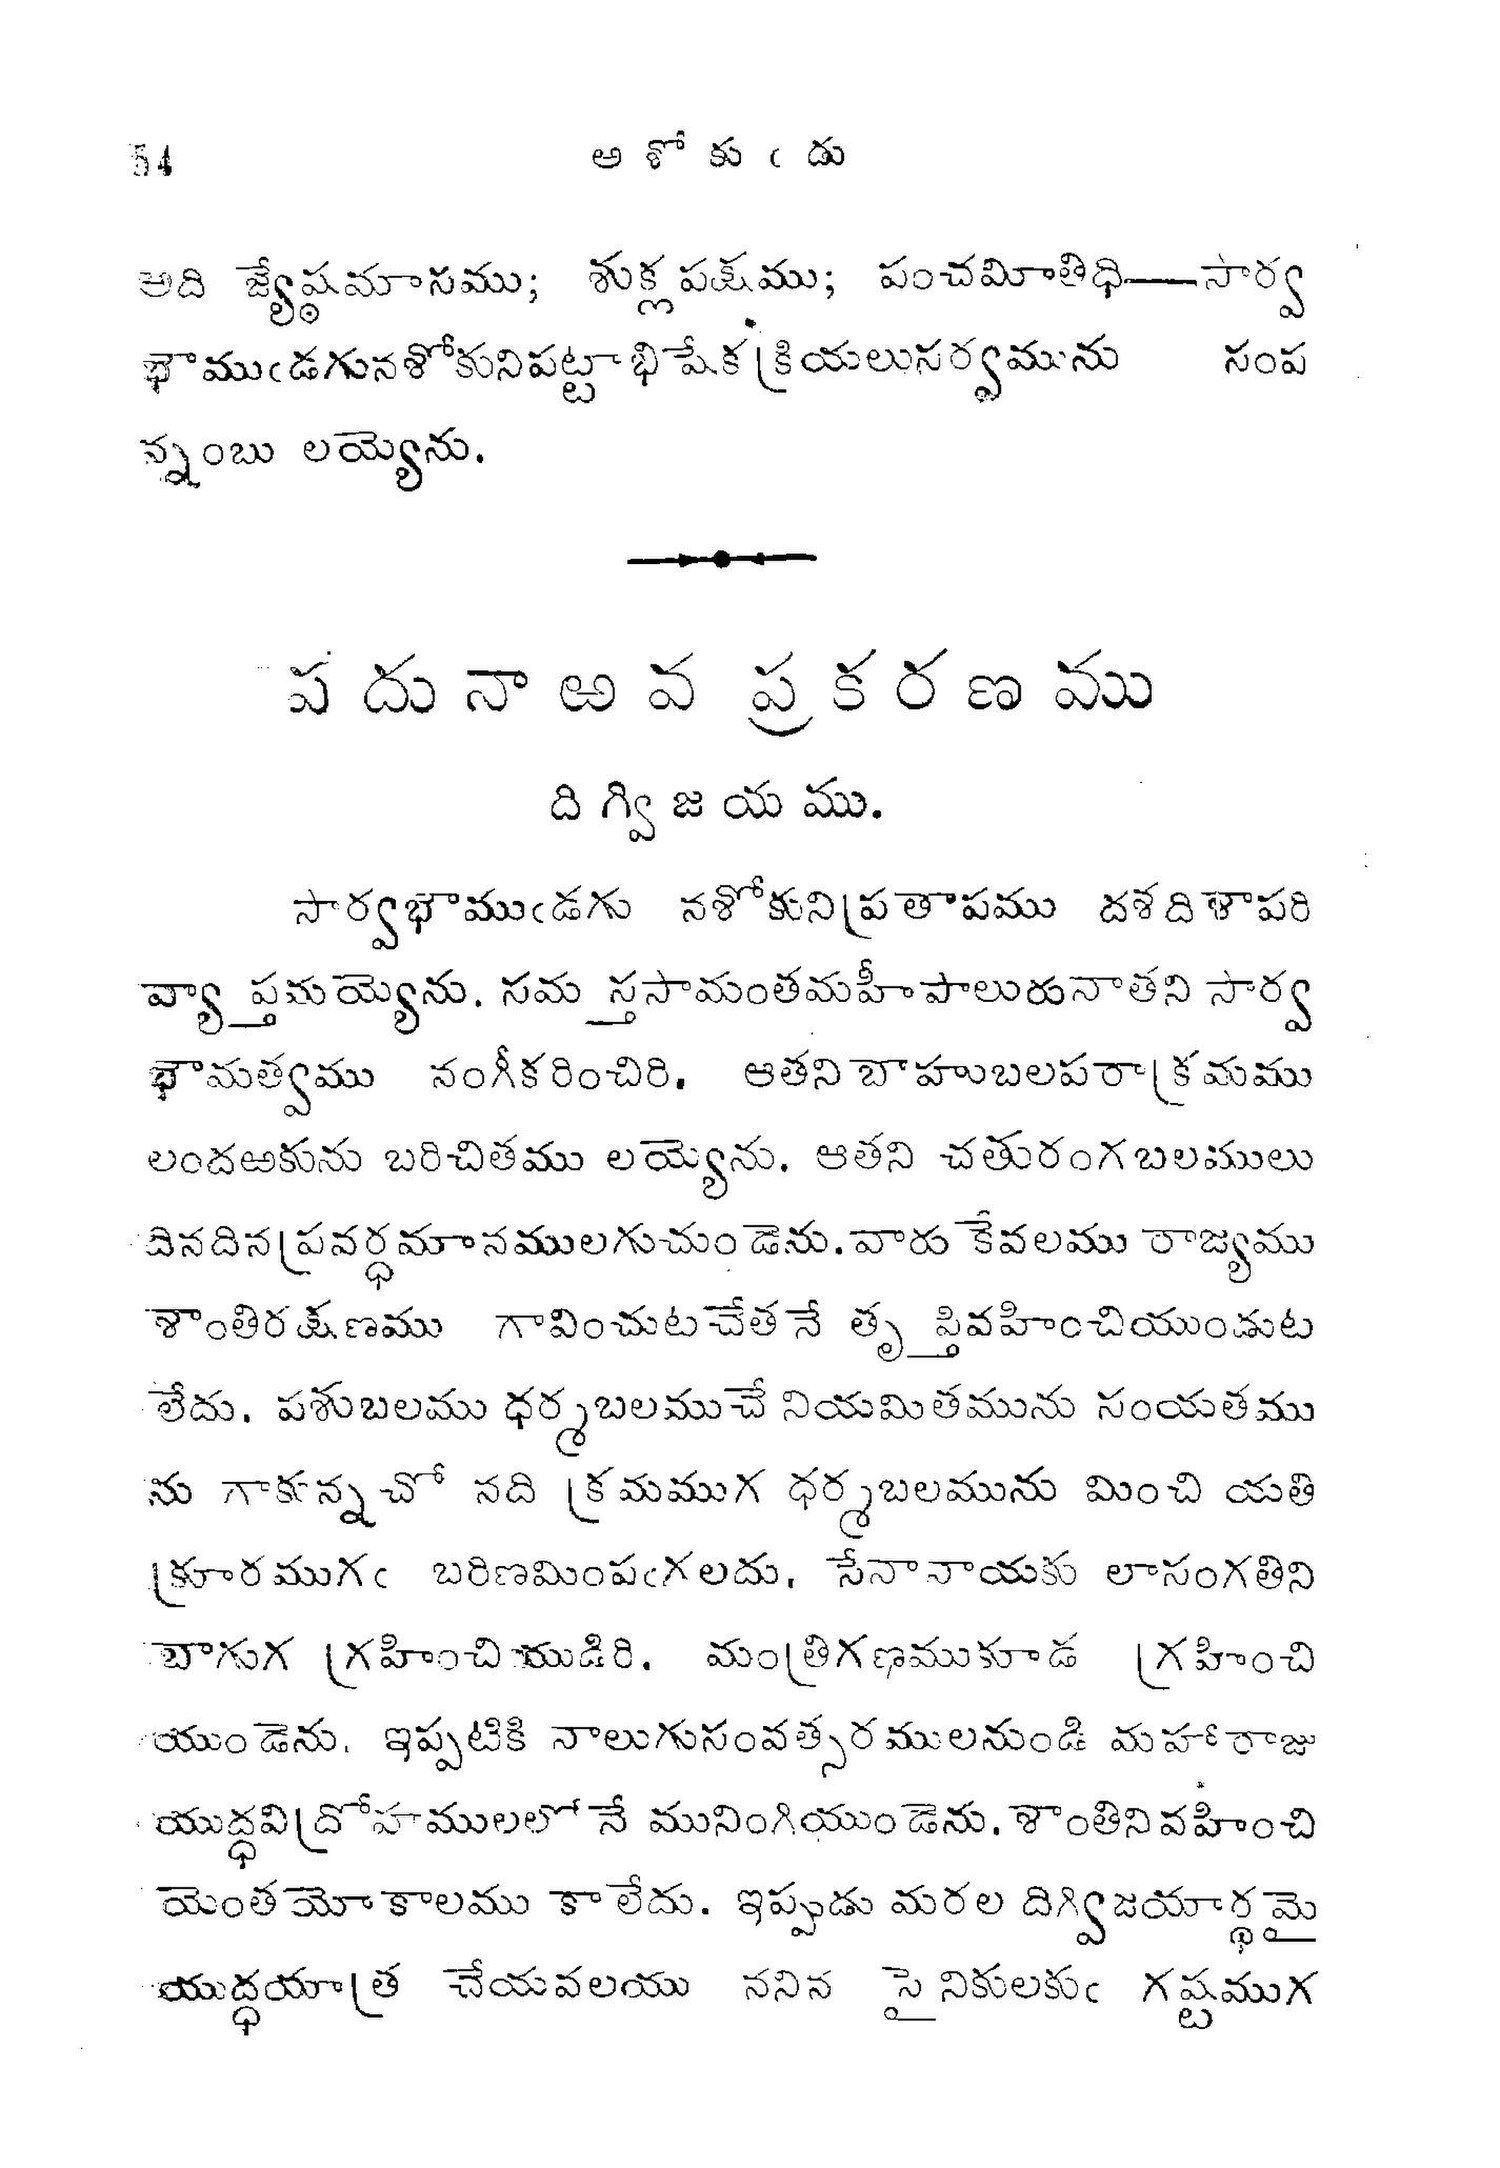అది జ్యేష్ఠమాసము; శుక్ల పక్షము; పంచమితిధి - సార్వ
భౌముఁడగున శోకునిపట్టాభిషేక క్రియలు సర్వము:ను
సంపన్నంబు లయ్యెను.

సార్వభౌముఁడగు నశోకుని ప్ర తాపము దశదిశాపరి వ్యాప్తమయ్యెను. సమస్తసామంత మహీపాలురు నాతని సార్వభౌమత్వము నంగీకరించిరి. అతని బాహుబలపరాక్రమము
లందఱకును బరిచితము లయ్యెను. ఆతని చతురంగబలములు దినదిన ప్రవర్ధమానము లగుచుండెను. వారు కేవలము రాజ్యము శాంతిరక్షణము గావించుట చేతనే తృప్తి వహించియుండుట లేదు. పశుబలము ధర్మబలము చే నియమితమును సంయతమును గాకు న్నచో నది క్రమముగ ధర్మబలమును మించి యతి క్రూరముగఁ బరిణమింపఁగలదు. సేనా నాయకు లాసంగతిని బాగుగ గ్రహించి యడిరి. మంత్రిగణముకూడ గ్రహించియుండెను. ఇప్పటికి నాలుగుసంవత్సరములనుండి మహారాజు యుద్ధవిద్రోహములలో నే మునింగియుండెను. శాంతిని వహించి యెంతయో కాలము కాలేదు. ఇప్పుడు మరల దిగ్విజయార్థమై యుద్ధయాత్ర చేయవలయు ననిన సైనికులకుఁ గష్టముగ